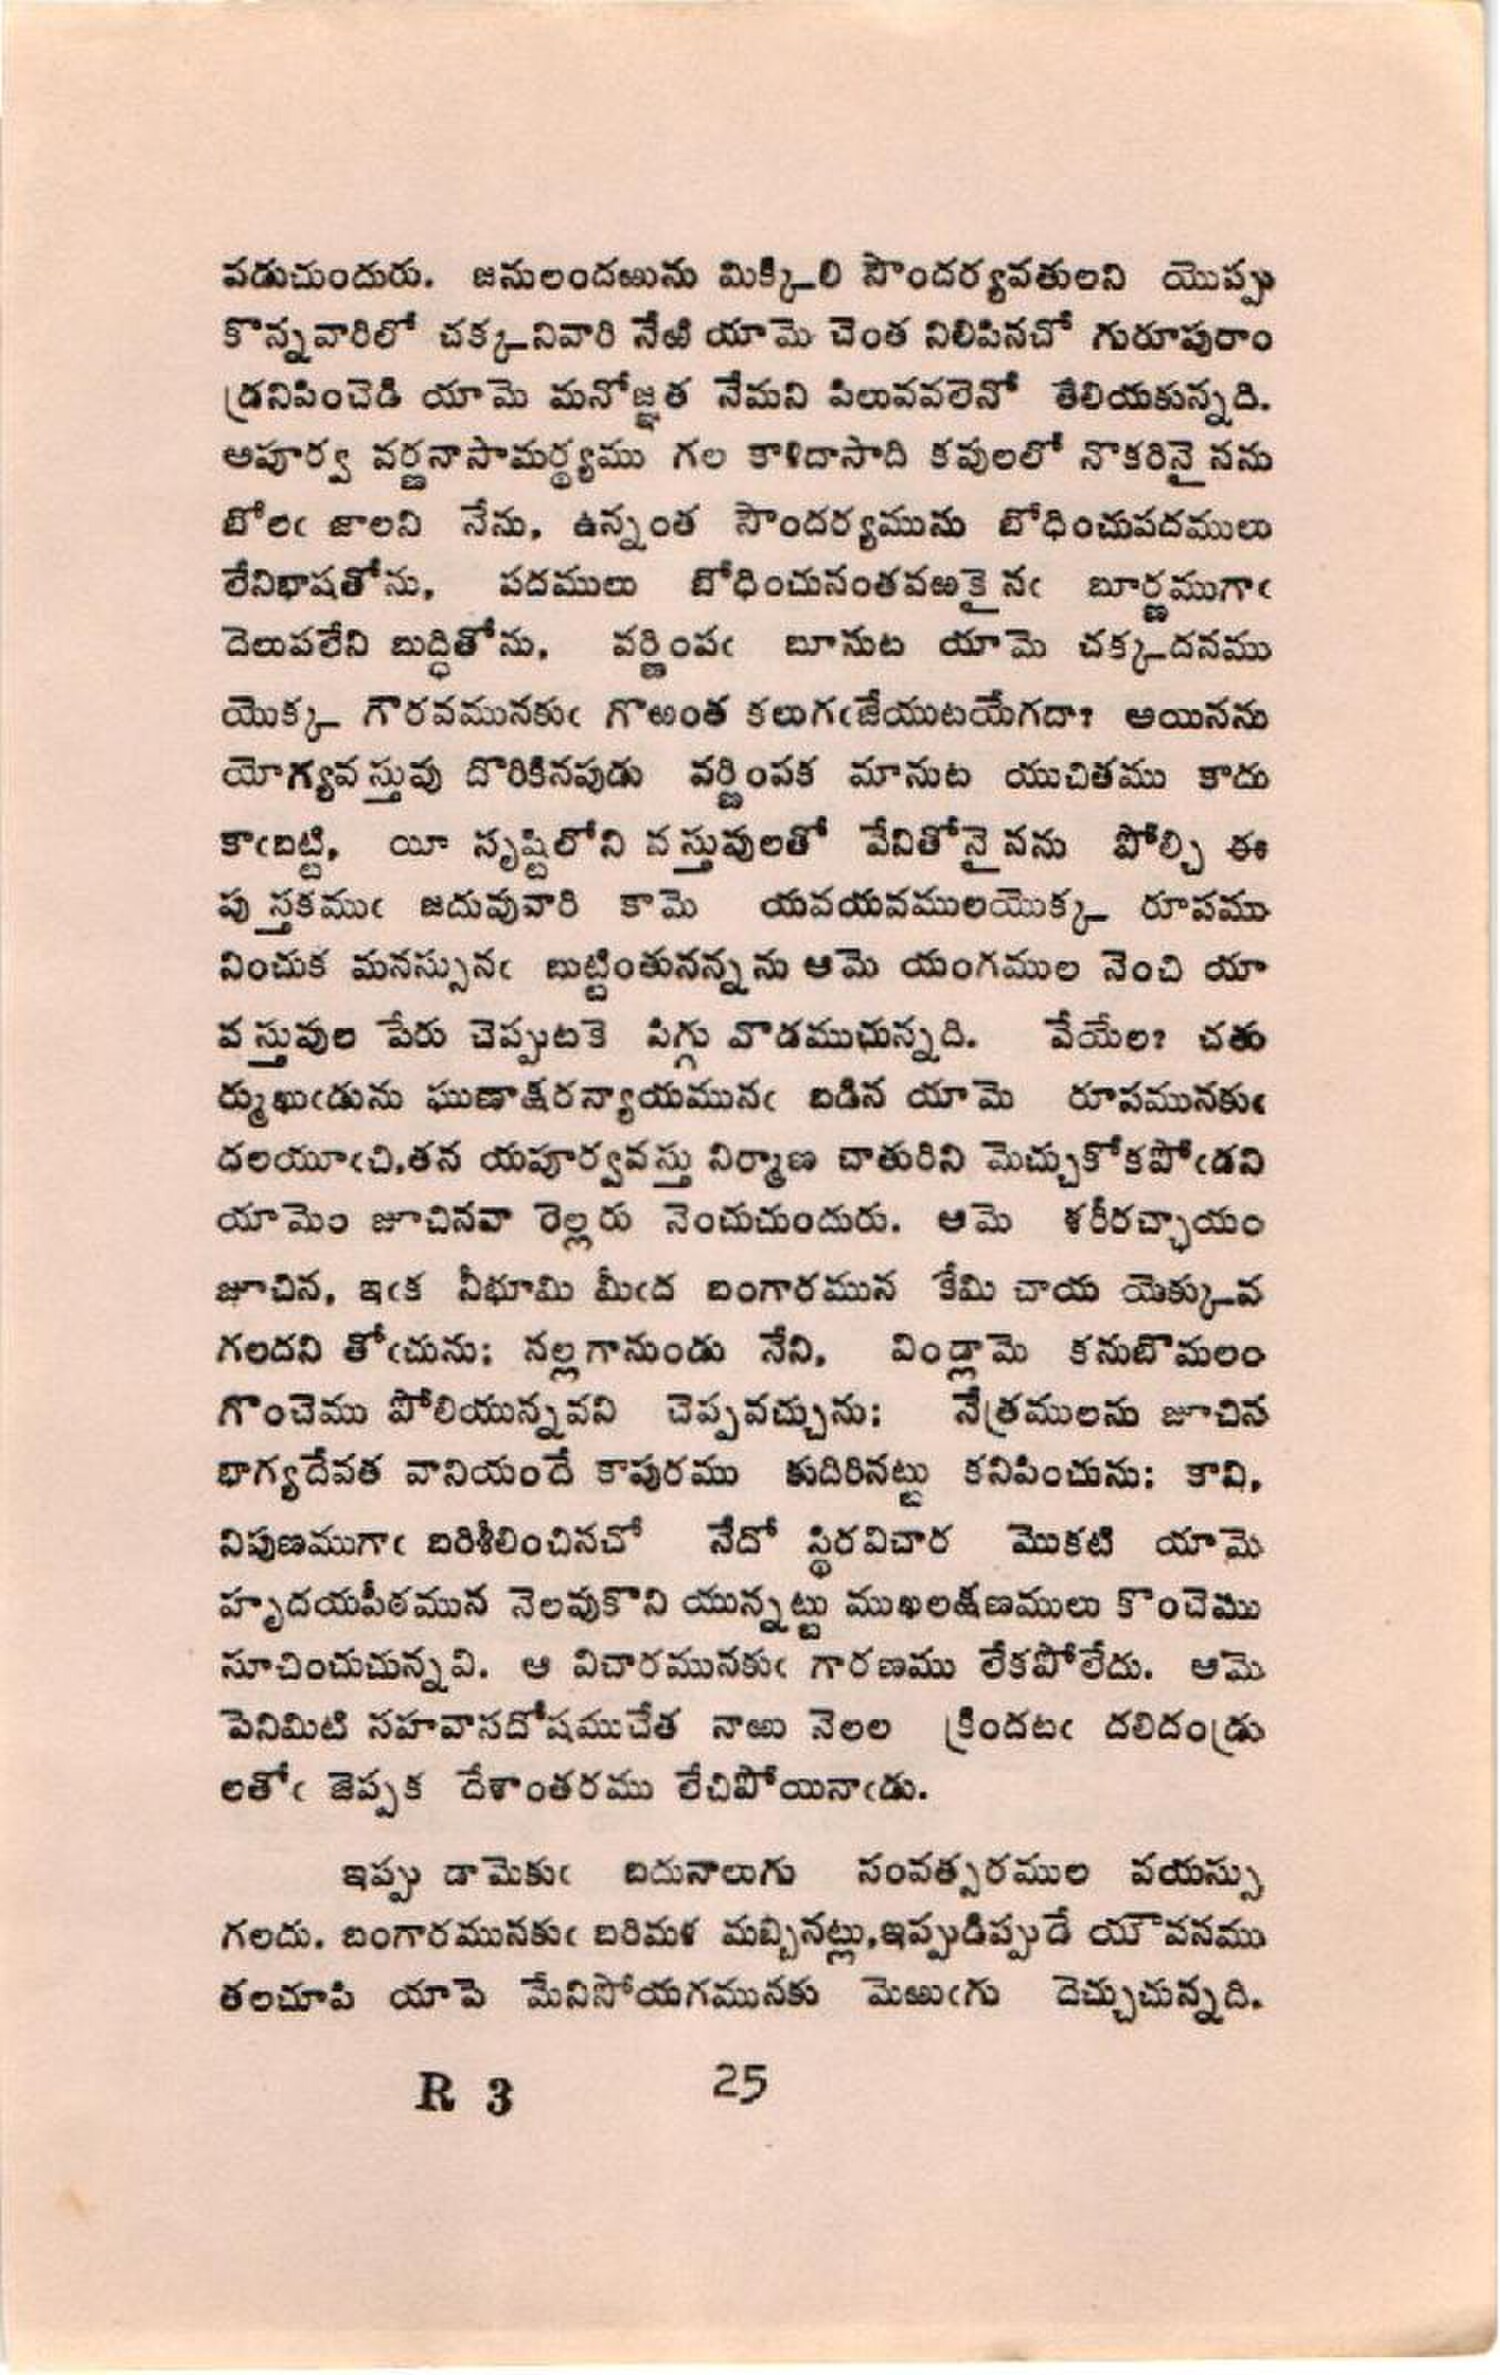పడుచుందురు. జనులందఱును మిక్కిలి సౌందర్యవతులని యొప్పు కొన్నవారిలో చక్కనివారి నేఱి యామె చెంత నిలిపినచో గురూపురాం డ్రనిపించెడి యామె మనోజ్ఞత నేమని పిలువవలెనో తెలియకున్నది. ఆపూర్వ వర్ణనాసామర్థ్యము గల కాళిదాసాది కవులలో నొకరినైనను బోలఁ జాలని నేను, ఉన్నంత సౌందర్యమును బోధించుపదములు లేనిభాషతోను, పదములు బోధించునంత వఱకైనఁ బూర్ణముగాఁ దెలుపలేని బుద్ధితోను, వర్ణింపఁ బూనుట యామె చక్కదనము యొక్క గౌరవమునకుఁ గొఱంత కలుగఁజేయుటయేగదా? అయినను యోగ్యవస్తువు దొరికినపుడు వర్ణింపక మానుట యుచితము కాదు కాఁబట్టి, యీ సృష్టిలోని వస్తువులతో వేనితోనైనను పోల్చి ఈ పుస్తకముఁ జదువువారి కామె యవయవములయొక్క రూపము వించుక మనస్సునఁ బుట్టింతునన్నను ఆమె యంగముల నెంచి యా వస్తువుల పేరు చెప్పుటకె సిగ్గు వొడముచున్నది. వేయేల? చతుర్ముఖుఁడును ఘణాక్షరన్యాయమునఁ బడిన యామె రూపమునకుఁ దలయూఁచి,తన యపూర్వవస్తు నిర్మాణ చాతురిని మెచ్చుకోకపోఁడని యామెం జూచినవా రెల్లరు నెంచుచుందురు. ఆమె శరీరచ్చాయం జూచిన, ఇఁక నీభూమి మీఁద బంగారమున కేమి చాయ యొక్కువ గలదని తోఁచును: నల్లగానుండు నేని, విండ్లామె కనుబొమలం గొంచెము పోలియున్నవని చెప్పవచ్చును; నేత్రములను జూచిన భాగ్యదేవత వానియందే కాపురము కుదిరినట్టు కనిపించును; కాని, నిపుణముగాఁ బరిశీలించినచో నేదో స్థిరవిచార మొకటి యామె హృదయపీఠమున నెలవుకొని యున్నట్టు ముఖలక్షణములు కొంచెము సూచించుచున్నవి. ఆ విచారమునకుఁ గారణము లేకపోలేదు. ఆమె పెనిమిటి సహవాసదోషముచేత నాఱు నెలల క్రిందటఁ దలిదండ్రు లతోఁ జెప్పక దేశాంతరము లేచిపోయినాఁడు.

ఇప్పుడామెకుఁ బదునాలుగు సంవత్సరముల వయస్సు గలదు. బంగారమునకుఁ బరిమళ మబ్బినట్లు,ఇప్పడిప్పడే యౌవనము తలచూపి యాపె మేనిసోయగమునకు మెఱుఁగు దెచ్చుచున్నది.